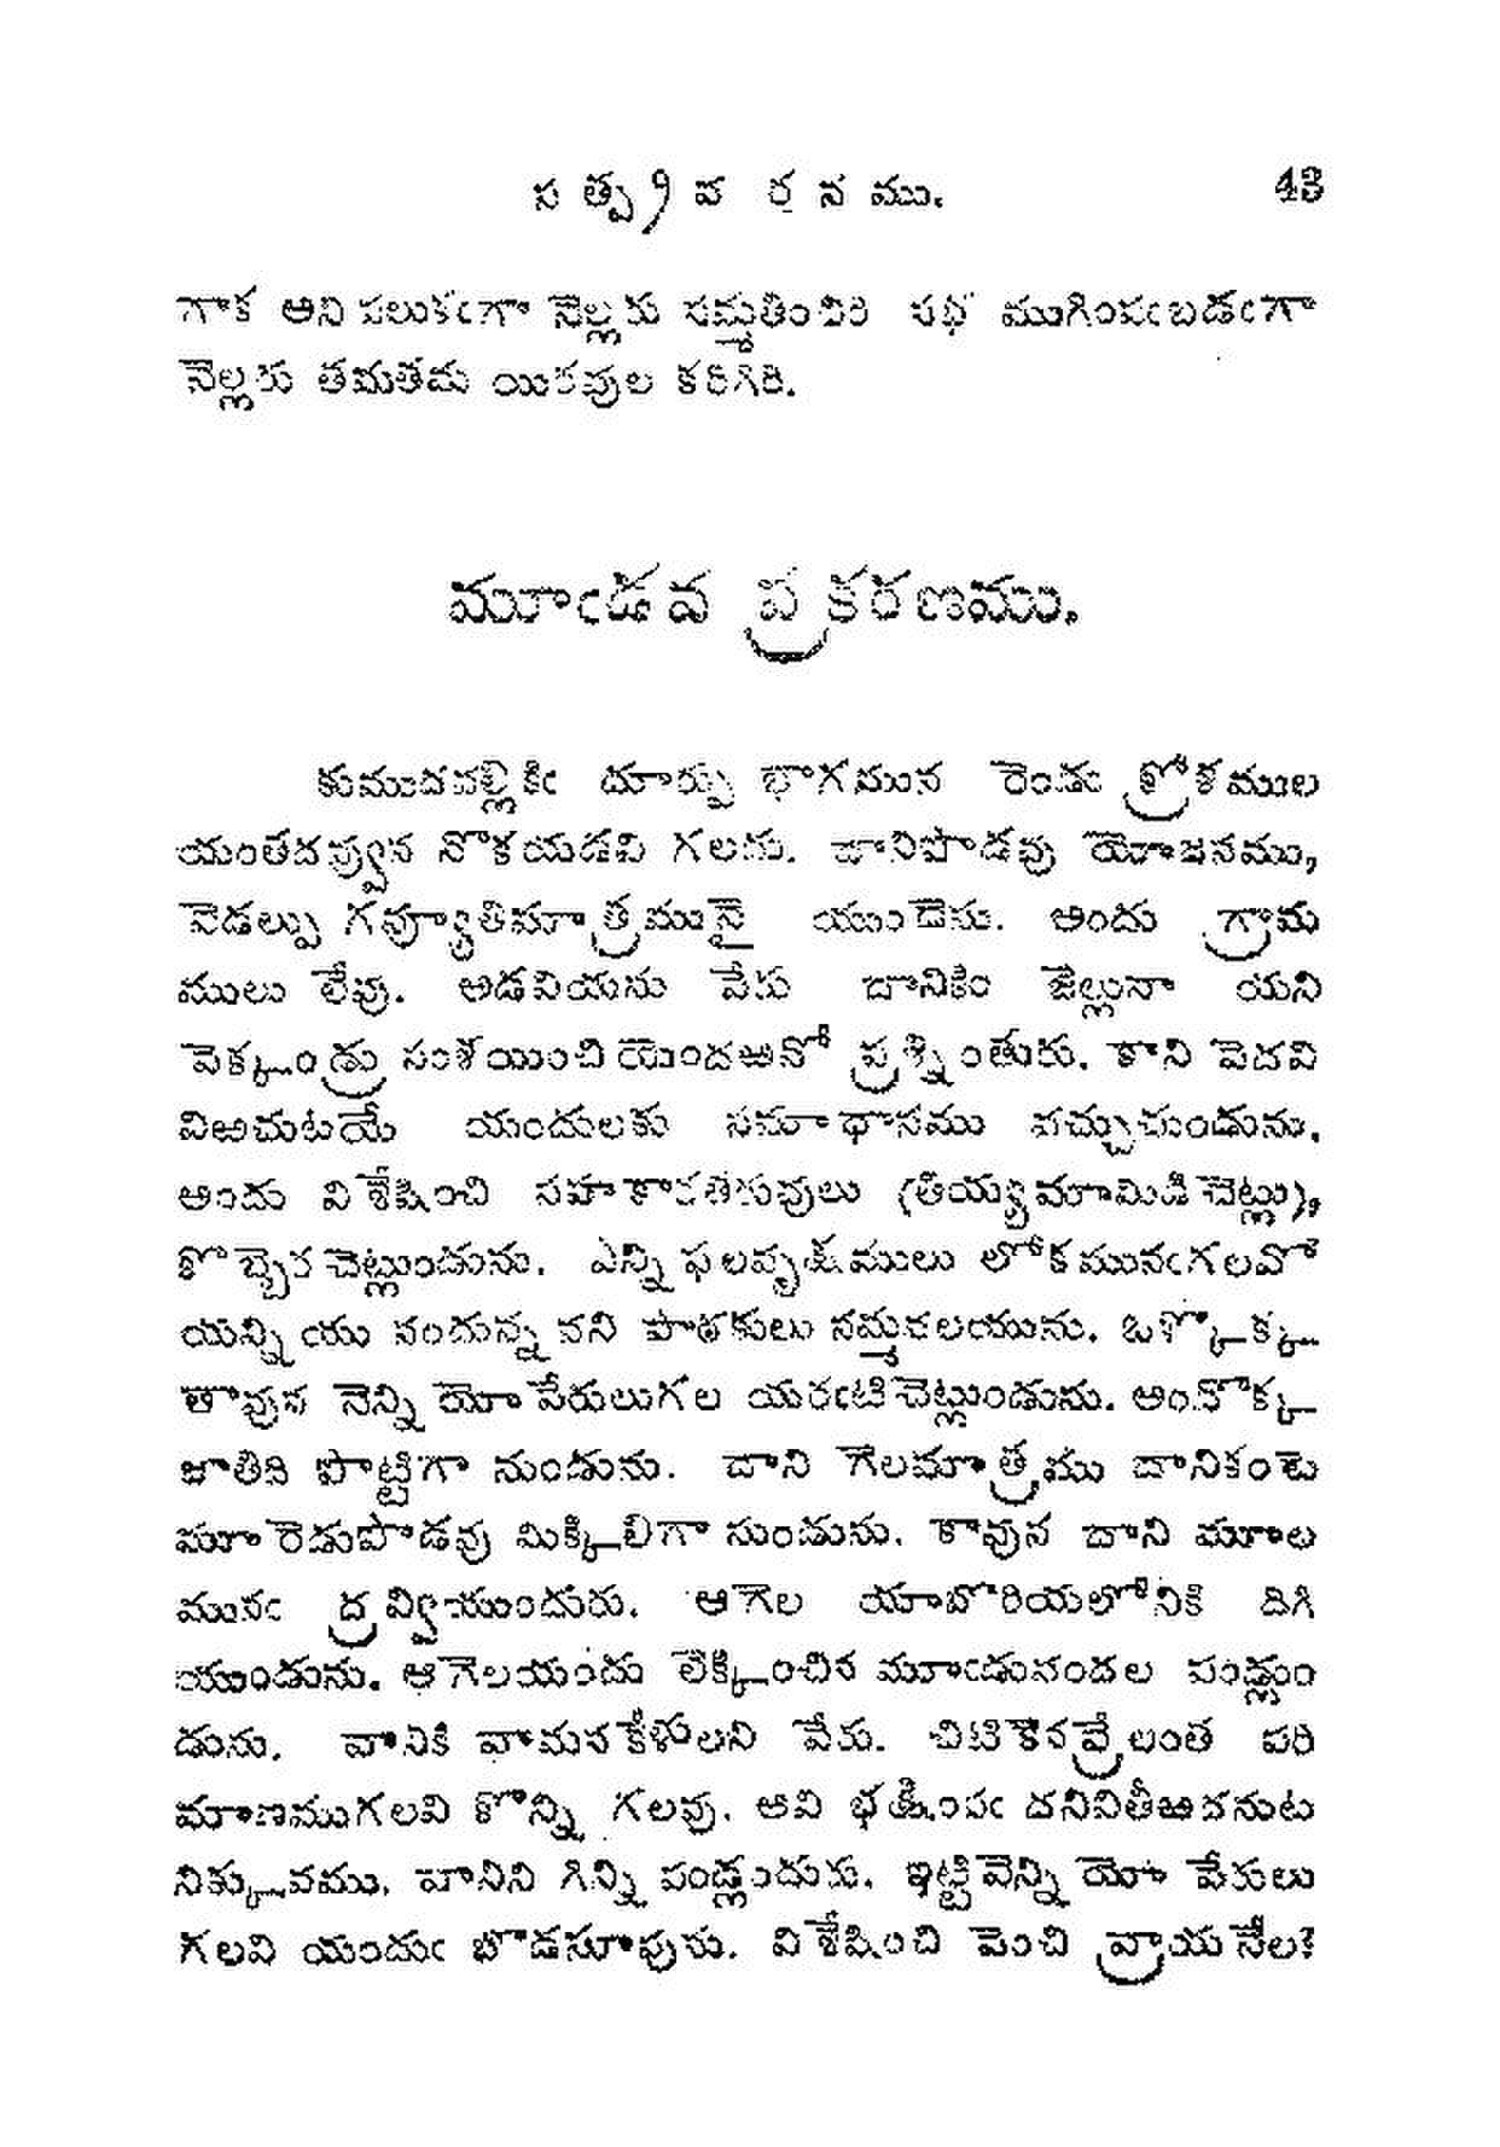గాక అని పలుకంగా నెల్లరు సమ్మతించిరి. ఏ సభ ముగింప బడంగా నెల్లను తమతము యిరవుల కరిగిరి.

మూడవ ప్రకరణము.

కుముదవల్లికి దూర్పు భాగమున రెండు క్రోశముల యంతదవ్వున నొకయడవి గలదు. దానిపొడవు యోజనము, "వెడల్పు గప్యూతమాత్రమునై యుండెను. అందు గ్రామములు లేవు. అడవియను పేరు దానికేం జెల్లునా యని "పెక్కండ్రు సంశయించి యెందఱునో ప్రశ్నింతురు, కాని పెదవి విజచుటయే మందులకు సమాధానము వచ్చుచుండును, అందు విశేషించి సహాకారతరువులు (తియ్య మామిడి చెట్లు, గొబ్బెన చెట్లుండును. ఎన్ని ఫలపక్షములు లోకమునఁగలవో యన్నియు సందున్న వని వారకులు సమ్మవలయును. ఒక్కొక్క తావున నెన్ని యో పేరులుగల యరటి చెట్లుండును. అందొక్క జూతిది పొట్టిగా నుండును. దాని గెలమా త్రము దానికంటే మూరెడు పొడవు మిక్కిలిగా సుండును. కావున దాని మూలమున ద్రవ్వియుందురు. 'ఆగెల యాబొరియలోనికి దిగి యుండును, ఆగెలయందు లెక్కించిన మూడువందల పండ్లుండును. వానికి వామన కేళులని పేరు. చిటికెన వేలంత పరి మాణముగలవి కొన్ని గలవు. అవి భక్షింపఁ దనివితీఱదనుట నిక్కము. వానిని గిన్ని పండ్లుదురు. ఇట్టివెన్నియో పేరులు గలవి యందుఁ బొడసూపును. విశేషించి 'పెంచి వ్రాయ నేల?